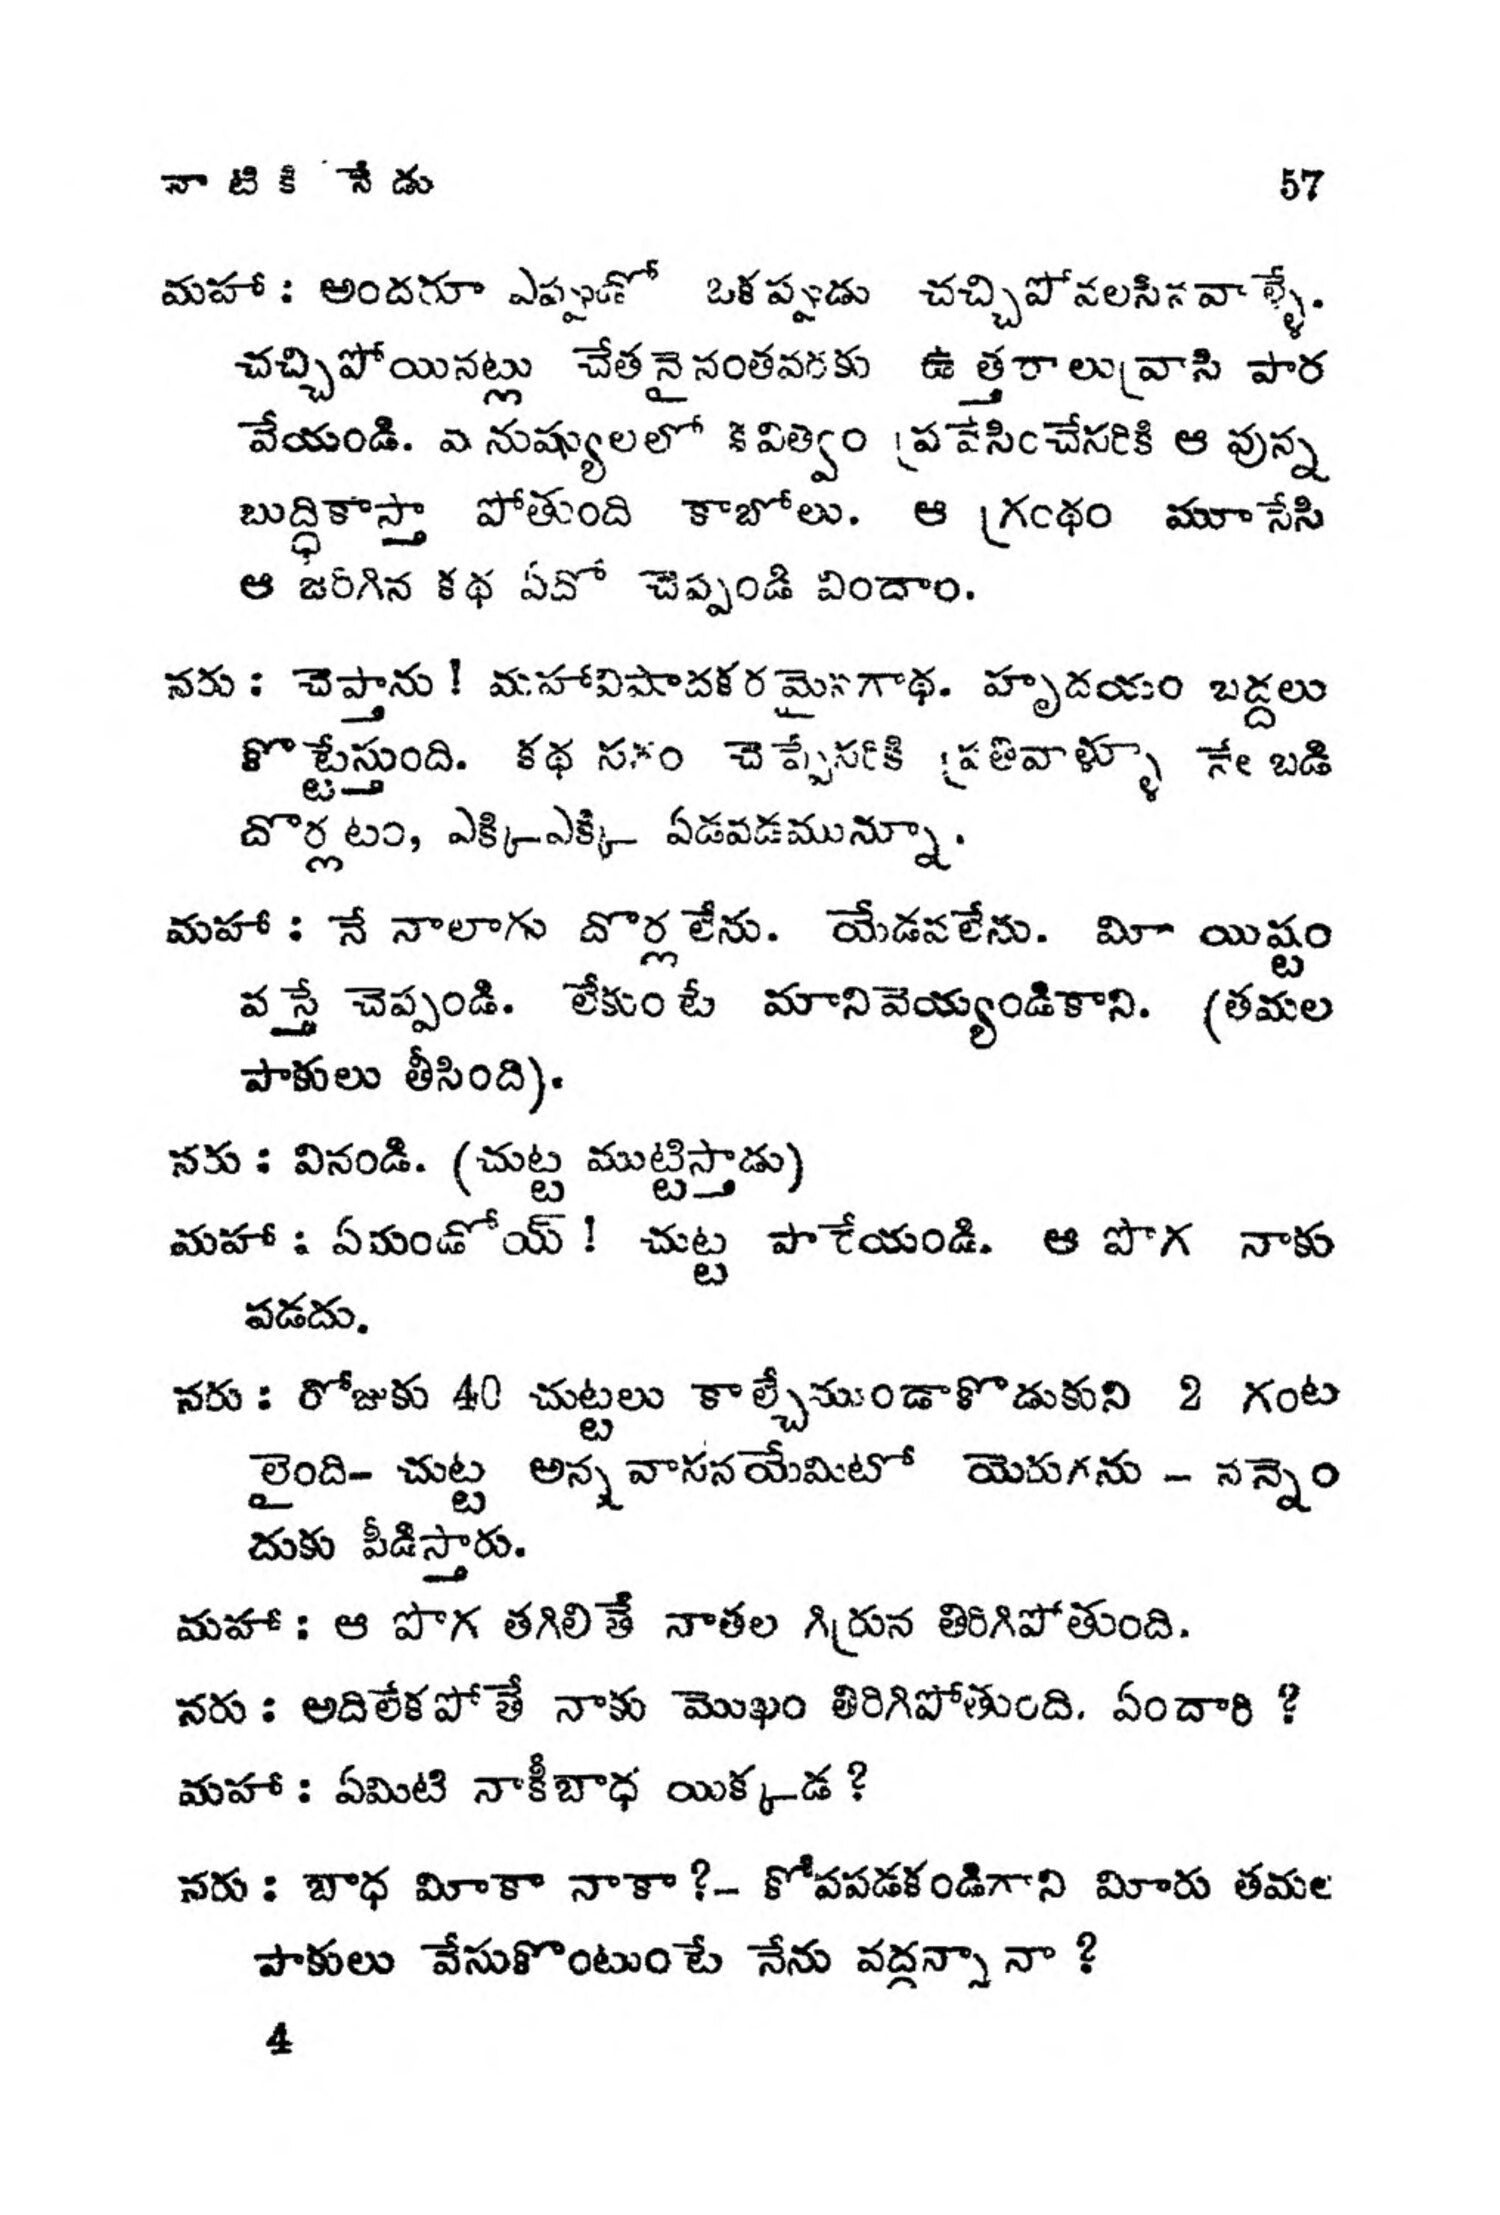మహా : అందరూ ఎప్పుడో ఒకప్పుడు చచ్చిపోవలసినవాళ్ళే. చచ్చిపోయినట్లు చేతనైనంతవరకు ఉత్తరాలువ్రాసి పారవేయండి. మనుష్యులలో కవిత్వం ప్రవేసించేసరికి ఆ వున్న బుద్దికాస్తా పోతుంది కాబోలు. ఆ గ్రంథం మూసేసి
ఆ జరిగిన కథ ఏదో చెప్పండి విందాం.

నరు : చెప్తాను! మహావిషాదకరమైనగాథ. హృదయం బద్దలుకొటేస్తుంది. కథ సగం చెప్పేసరికి ప్రతివాళ్ళూ నేల బడి
దొర్లటం, ఎక్కి ఎక్కి ఏడవడమున్నూ.

మహా : నే నాలాగు దొర్లలేను. యేడవలేను. మీ యిష్టం వస్తే చెప్పండి. లేకుంటే మానివెయ్యండికాని. (తమలపాకులు తీసింది).

నరు : వినండి. (చుట్ట ముట్టిస్తాడు)

మహా : ఏమండోయ్ ! చుట్ట పారేయండి. ఆ పొగ నాకు పడదు.

నరు : రోజుకు 40 చుట్టలు కాల్చేముండాకొడుకుని 2 గంటలైంది – చుట్ట అన్న వాసన యేమిటోయెరుగను - నన్నెందుకు పీడిస్తారు.

మహా : ఆ పొగ తగిలితే నాతల గిర్రున తిరిగిపోతుంది.

నరు : అదిలేకపోతే నాకు మొఖం తిరిగిపోతుంది. ఏందారి ?

మహా : ఏమిటి నాకీబాధ యిక్కడ ?

నరు : బాధ మీకా నాకా ?- కోపపడకండిగాని మీరు తమలపాకులు వేసుకొంటుంటే నేను వద్దన్నానా?